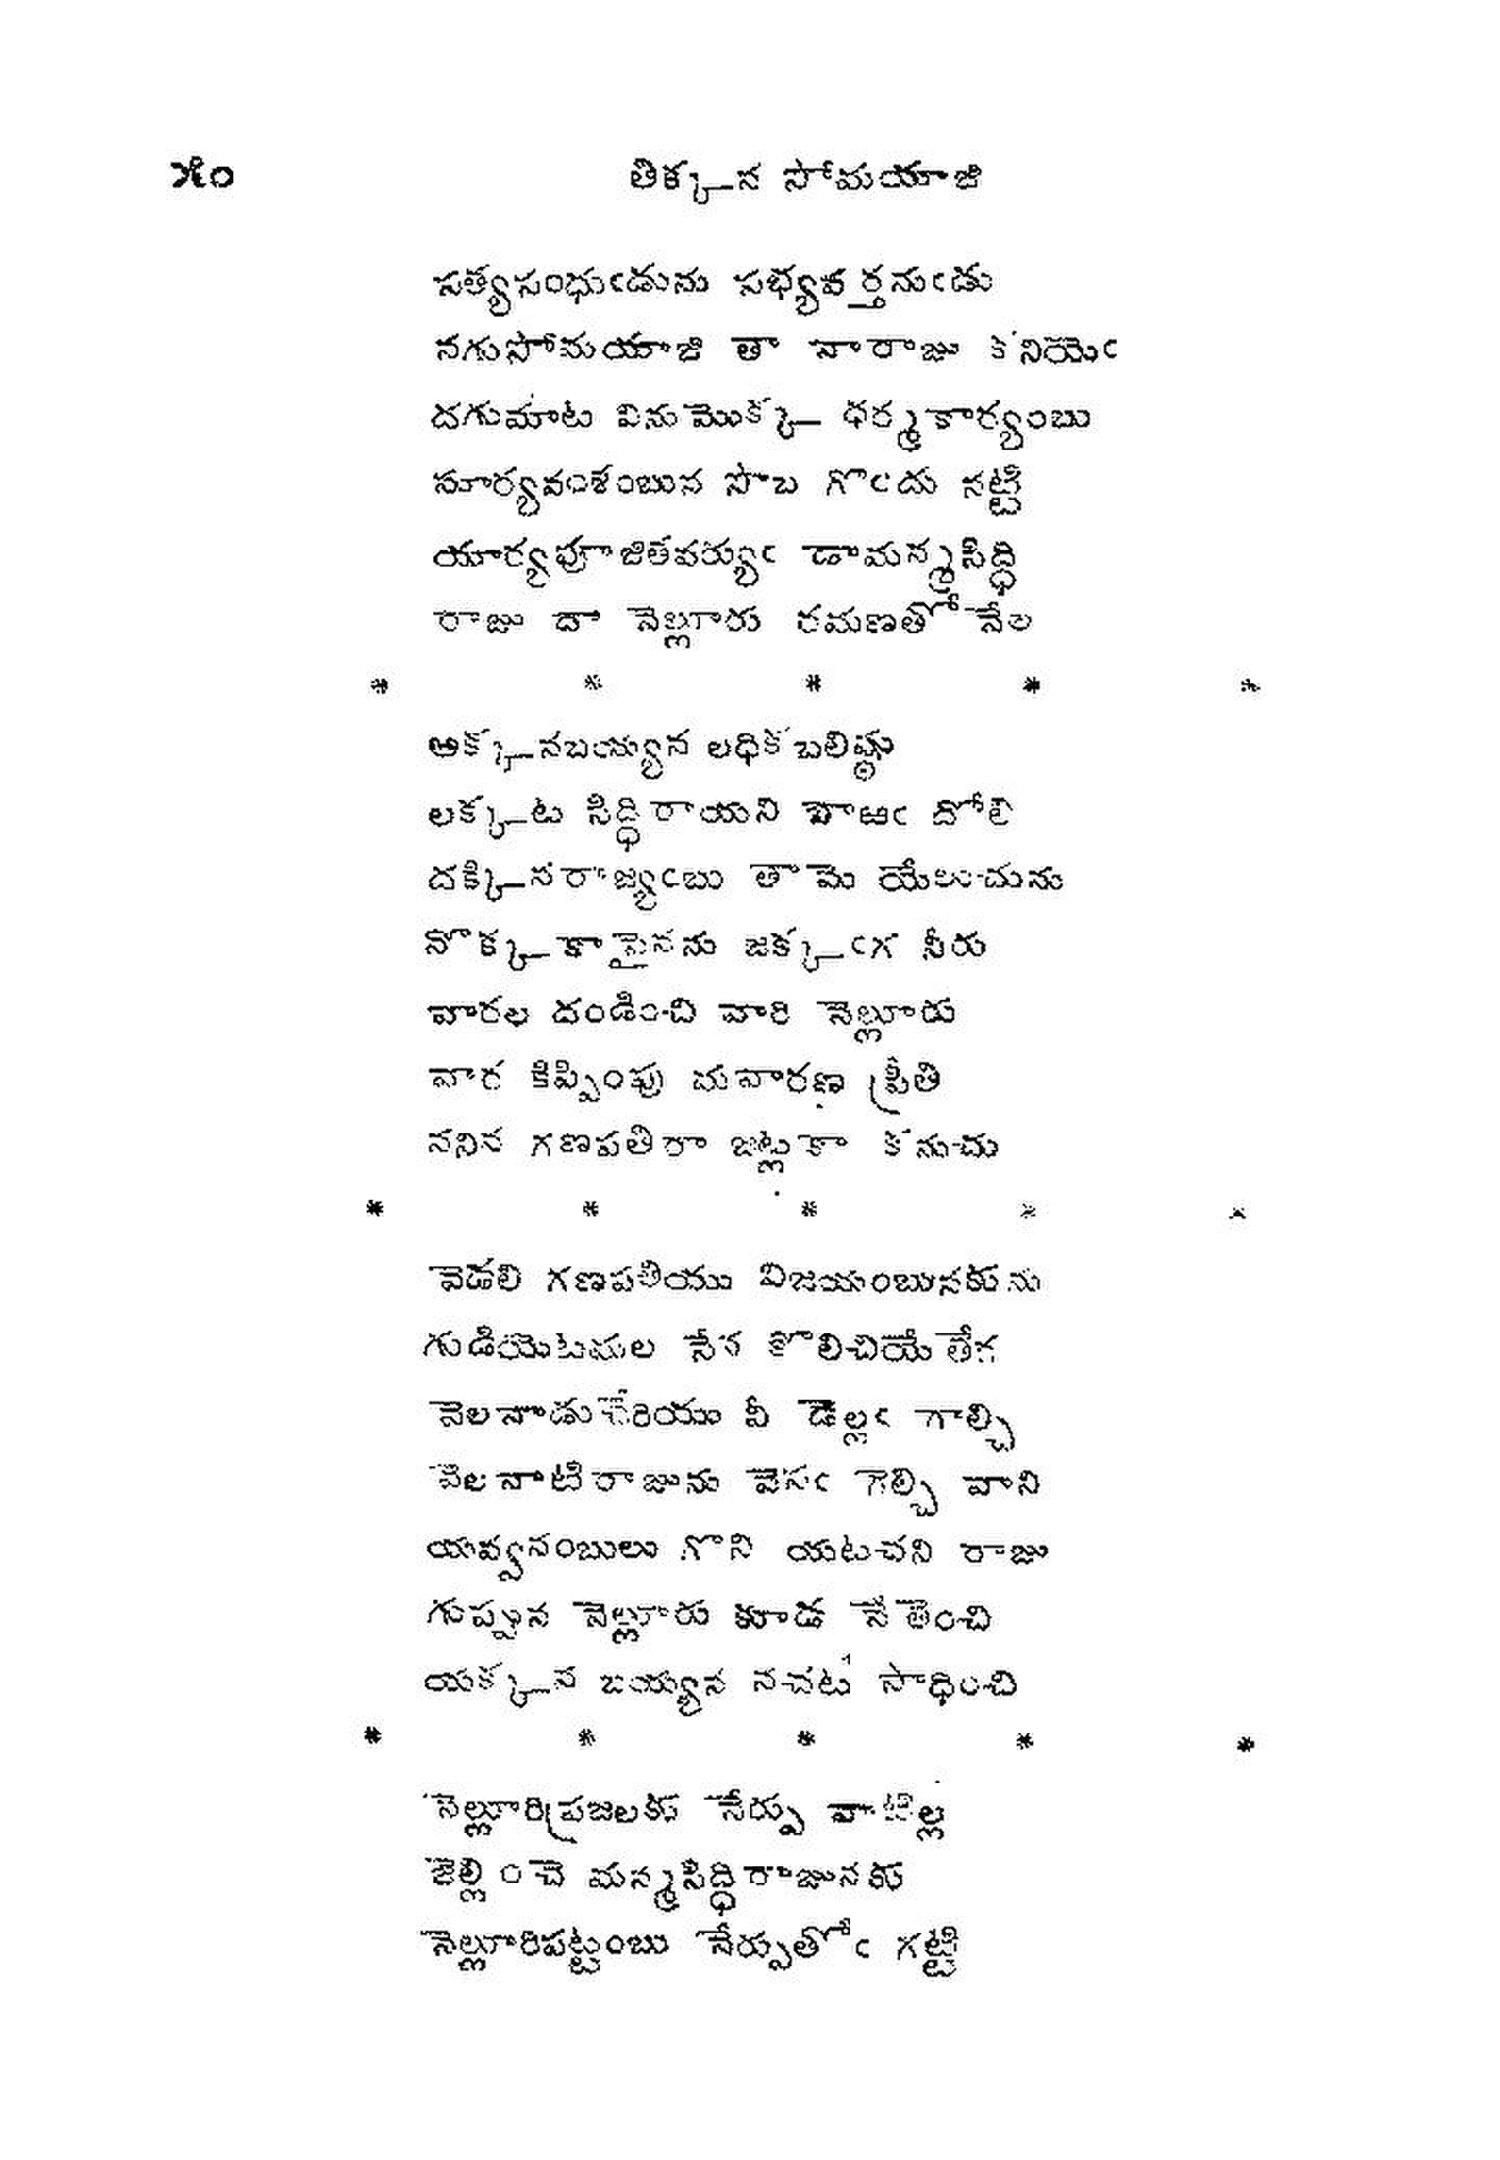సత్యసంధుఁడును సభ్యవర్తనుఁడు 
 నగుసోమయాజి తా నారాజు కనియెఁ 
 దగుమాట వినుమొక్క ధర్మకార్యంబు 
 సూర్యవంశంబున సొబ గొందు నట్టి 
 యార్యపూజితవర్యుఁ డామన్మసిద్ధి 
 రాజు దా నెల్లూరు రమణతో నేల

 అక్కనబయ్యన లధిక బలిష్ఠు 
 లక్కట సిద్ధిరాయని బాఱఁ దోలి 
 దక్కినరాజ్యంబు తామె యేలుచును 
 నొక్కకాసైనను జక్కఁగ నీరు 
 వారల దండించి వారి నెల్లూరు 
 వార కిప్పింపు మవారణ ప్రీతి 
 ననిన గణపతిరా జట్లకా కనుచు

 వెడలి గణపతియు విజయంబునకును 
 గుడియెటమల సేన కొలిచియే తేక
 వెలనాడుచేరియు వీ డెల్లఁ గాల్చి 
 వెలనాటిరాజును వెసఁ గెల్చి వాని 
 యవ్వనంబులు గొని యటచని రాజు 
 గుప్పున నెల్లూరు కూడ నేతెంచి 
 యక్కన బయ్యన నచట సాధించి

 నెల్లూరిప్రజలకు నేర్పు వాటిల్ల 
 జెల్లించె మన్మసిద్ధిరాజునకు 
 నెల్లూరిపట్టంబు నేర్పుతోఁ గట్టి